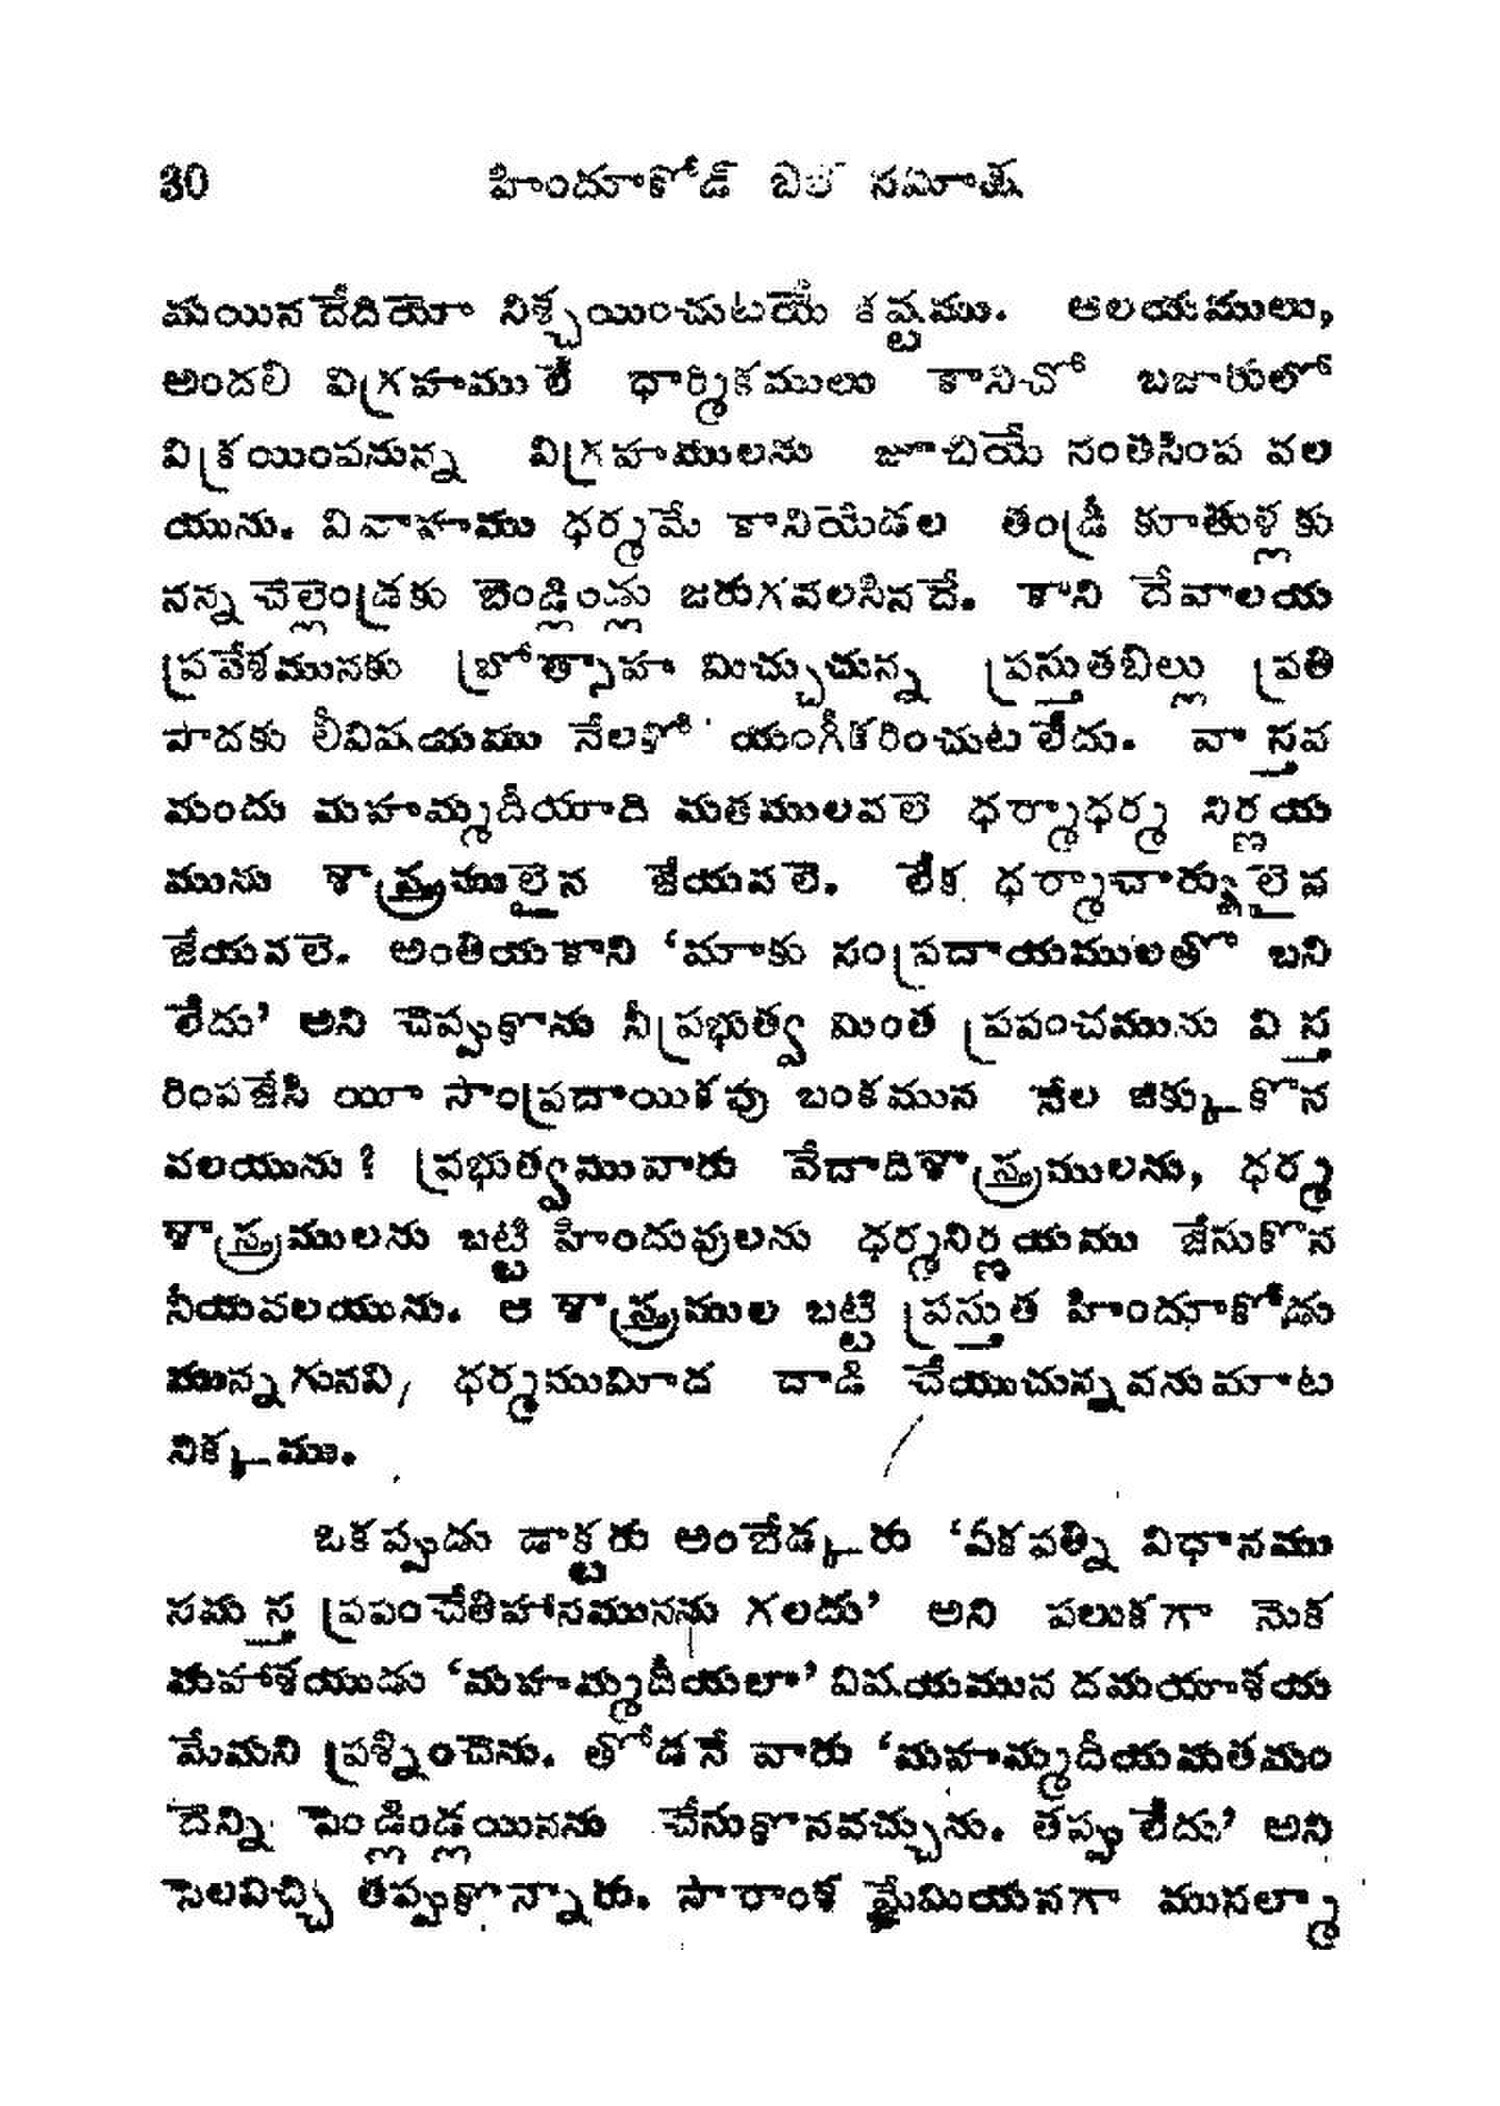మయినదేదియో నిశ్చయించుటయే కష్టము. ఆలయములు,
అందలి విగ్రహములే ధార్మికములు కానిచో బజారులో
విక్రయింపనున్న విగ్రహములను జూచియే సంతసింప వల
యును. వివాహము ధర్మమే కానియెడల తండ్రీ కూతుళ్లకు
నన్నచెల్లెండ్రకు బెండ్లిండు జరుగవలసినదే. కాని దేవాలయ
ప్రవేశమునకు బ్రోత్సాహ మిచ్చుచున్న ప్రస్తుత బిల్లు ప్రతి
పాదకు లీవిషయము నేలకో యంగీకరించుట లేదు. వాస్తవ
మందు మహమ్మదీయాది మతములవలె ధర్మాధర్మ నిర్ణయ
మును శాస్త్రములైన జేయవలె. లేక ధర్మాచార్యులైన
జేయవలె. అంతియకాని 'మాకు సంప్రదాయములతో బని
లేదు' అని చెప్పుకొను నీప్రభుత్వ మింత ప్రపంచమును విస్తరింపజేసి 
యీ సాంప్రదాయికపు బంకమున నేల జిక్కుకొన
వలయును? ప్రభుత్వమువారు వేదాది శాస్త్రములను, ధర్మ
శాస్త్రములను బట్టి హిందువులను ధర్మనిర్ణయము జేసుకొన
నీయవలయును. ఆ శాస్త్రముల బట్టి ప్రస్తుత హిందూకోడు
మున్నగునవి, ధర్మముమీద దాడి చేయుచున్నవనుమాట
నిక్కము.

ఒకప్పుడు డాక్టరు అంబేడ్కరు 'ఏకపత్ని విధానము
నమస్త ప్రపంచేతిహాసమునను గలదు' అని పలుకగా నొక
మహాశయుడు 'మహమ్మదీయలా ' విషయమున దమయాశయ
మేమని ప్రశ్నించెను. తోడనే వారు 'మహమ్మదీయమతమందెన్ని 
పెండ్లిండ్లయినను చేసుకొనవచ్చును, తప్పులేదు' అని సెలవిచ్చి 
తప్పుకొన్నారు. సారాంశ మేమియనగా ముసల్మా